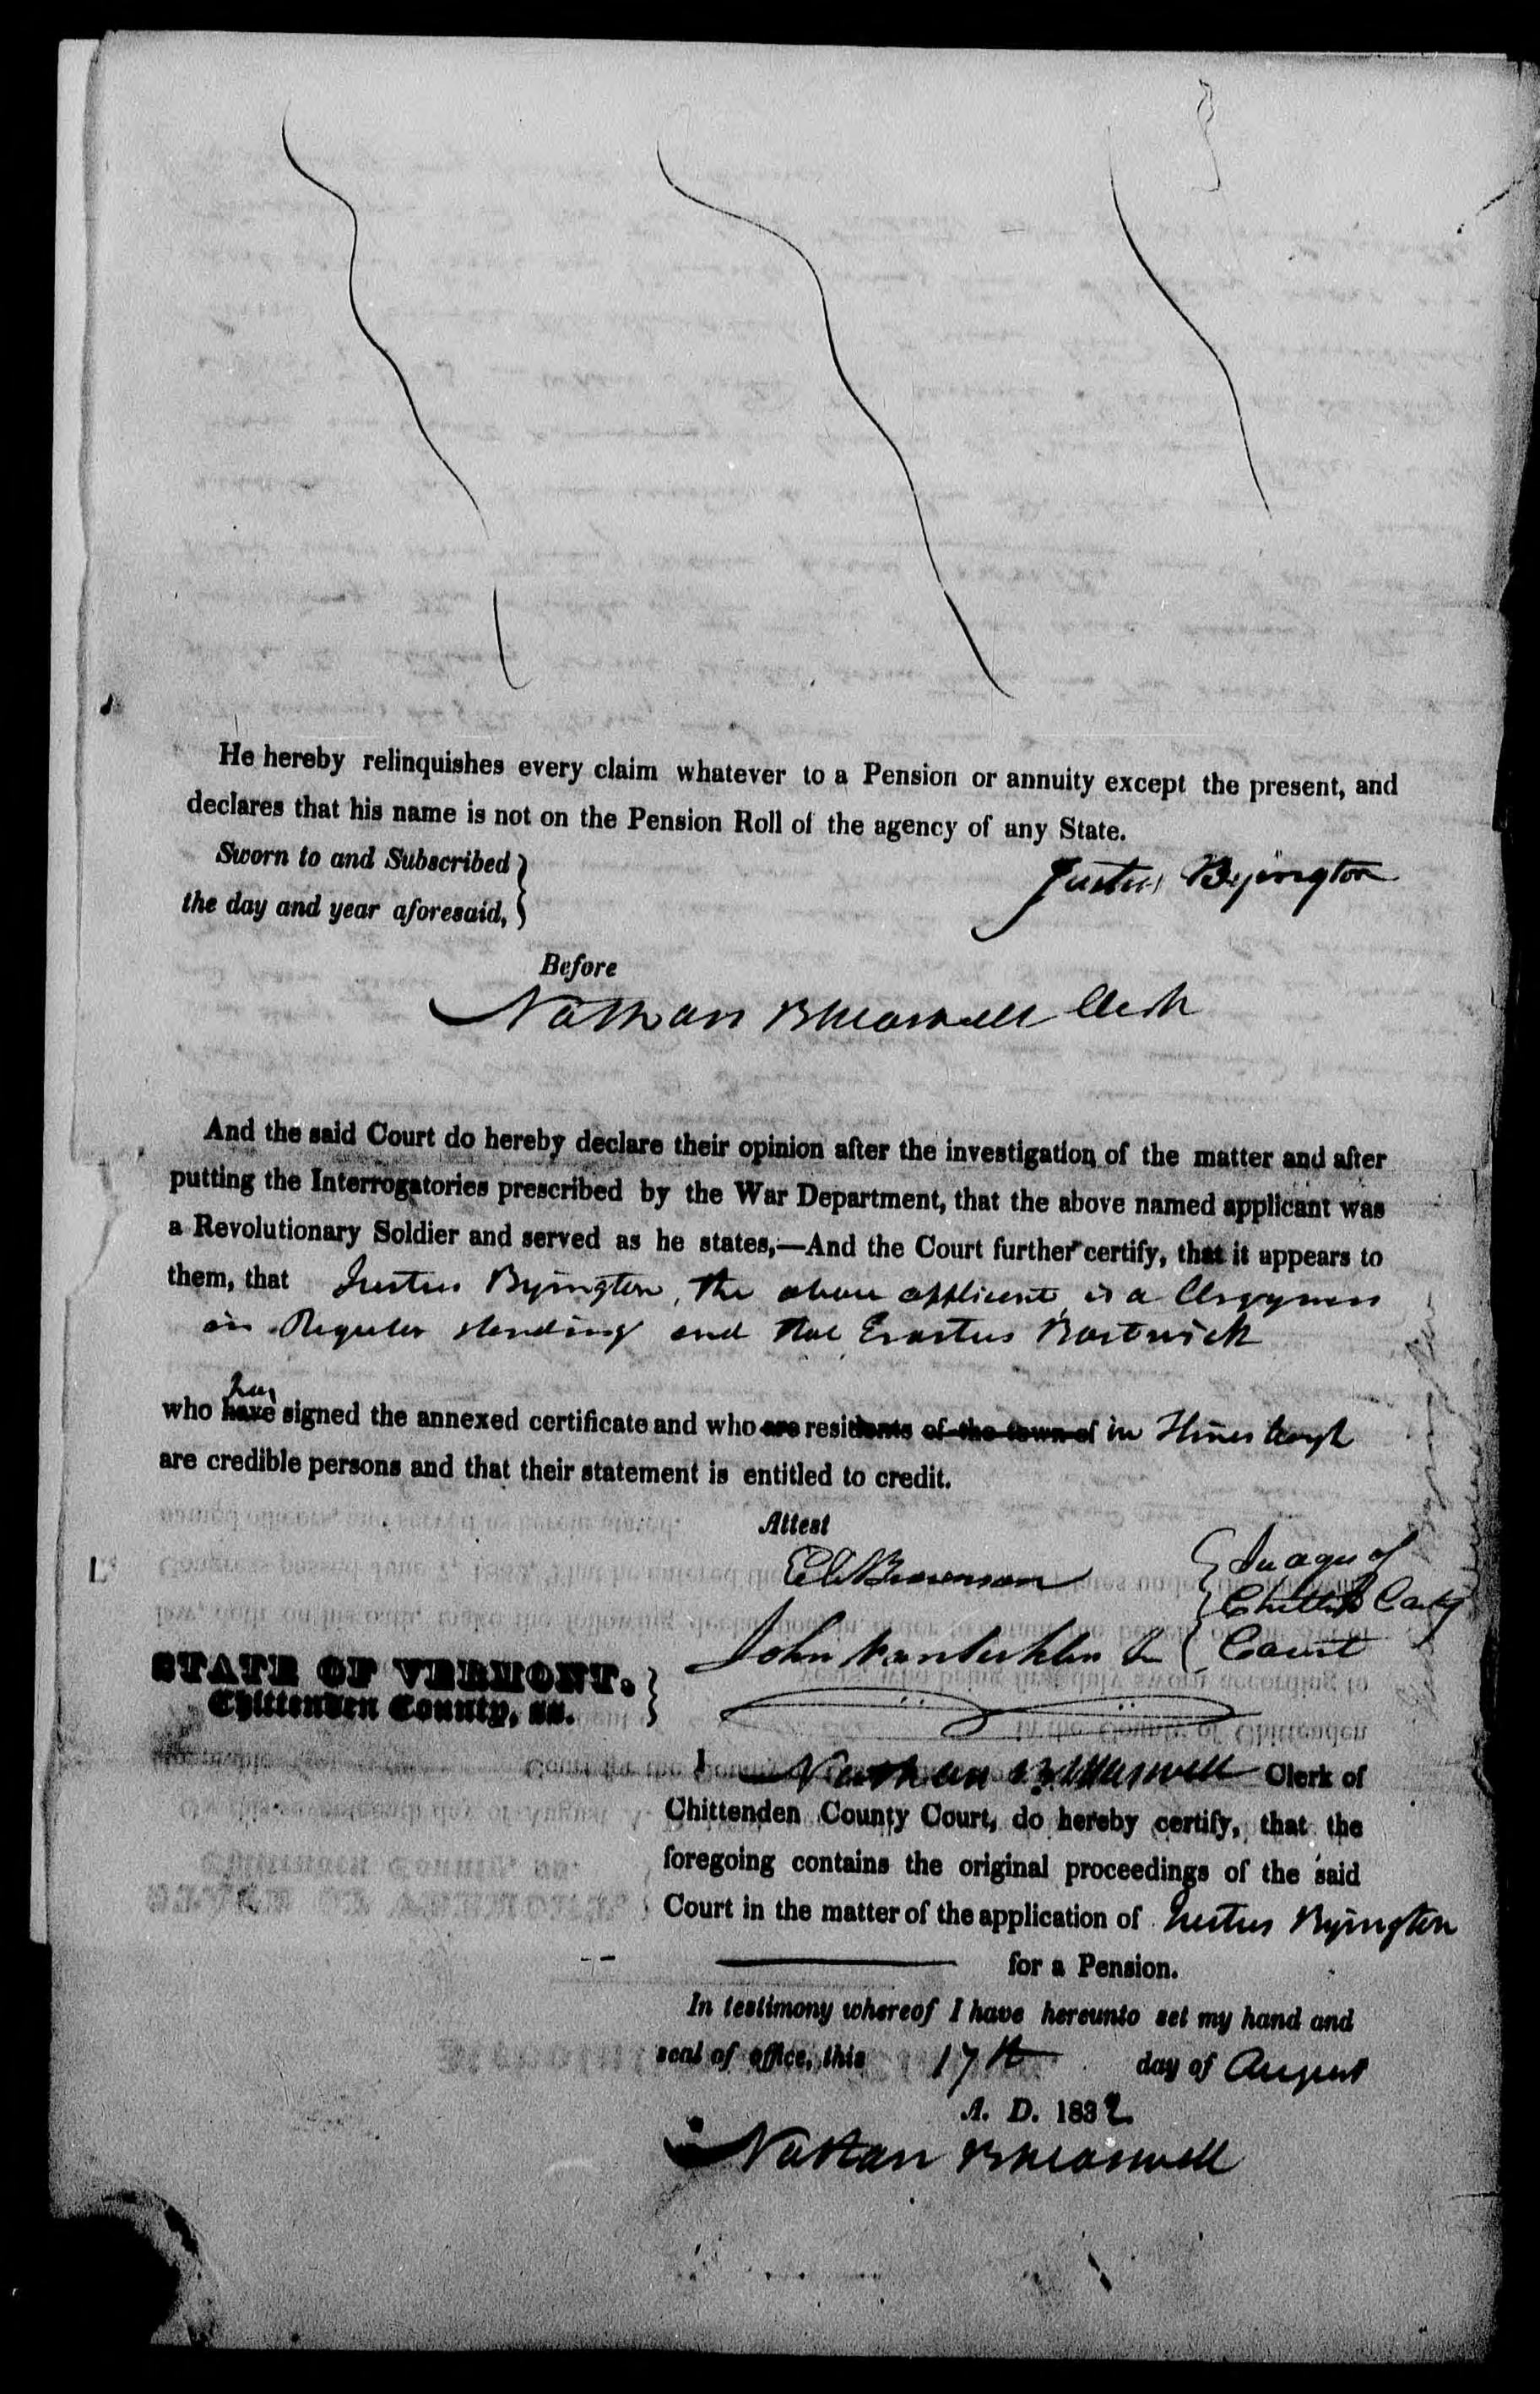He hereby relinquishes every claim whatever to a Pension or annuity except the present, and declares that his name is not on the Pension Roll of the agency of any State.
Sworn to and Subcribed
the day and year aforesaid,
Justus Byington
Before Nathan B. Maswell Clerk
And the said Court do hereby declare their opinion after the investigation of the matter and after putting the Interrogatories prescribed by the War Department, that the above name applicant was a Revolutionary Soldier and served as he states,-And the Court further certify, that it appears to them, that Justus Byington, the above applicant is a clergyman in [illegible] and not Erastus Bartwick
who has signed the annexed certificate and who resides in [illegible} are crdible persons and that their statement is entitled to credit.
Attest
Eli owman
John Van Sukler 
[?} of Chittenden County Courty
STATE OF VERMONT,
Chittenden County, ss.
I Nathan B. Maswell Clerk of Chittenden County Court, do hereby certify, that the foregoing contains the original proceedings of the said Court in the matter of the applicaition of Justus Byington
for a Pension.
In testimony whereof I have hereunto set my hand and seal of office, this 17th day of August A.D. 1832
Nathan B Maswell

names: Nathan B Maswell, Eli Bowman, John Van Sukler, Nathan B Maswell, Nathan B Maswell, Rae Erastus Bartwick, Justus Byington, Justus Byington, Justus Byington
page: 5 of 79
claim: widow's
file: W. 23754, Justus Byington, Conn.